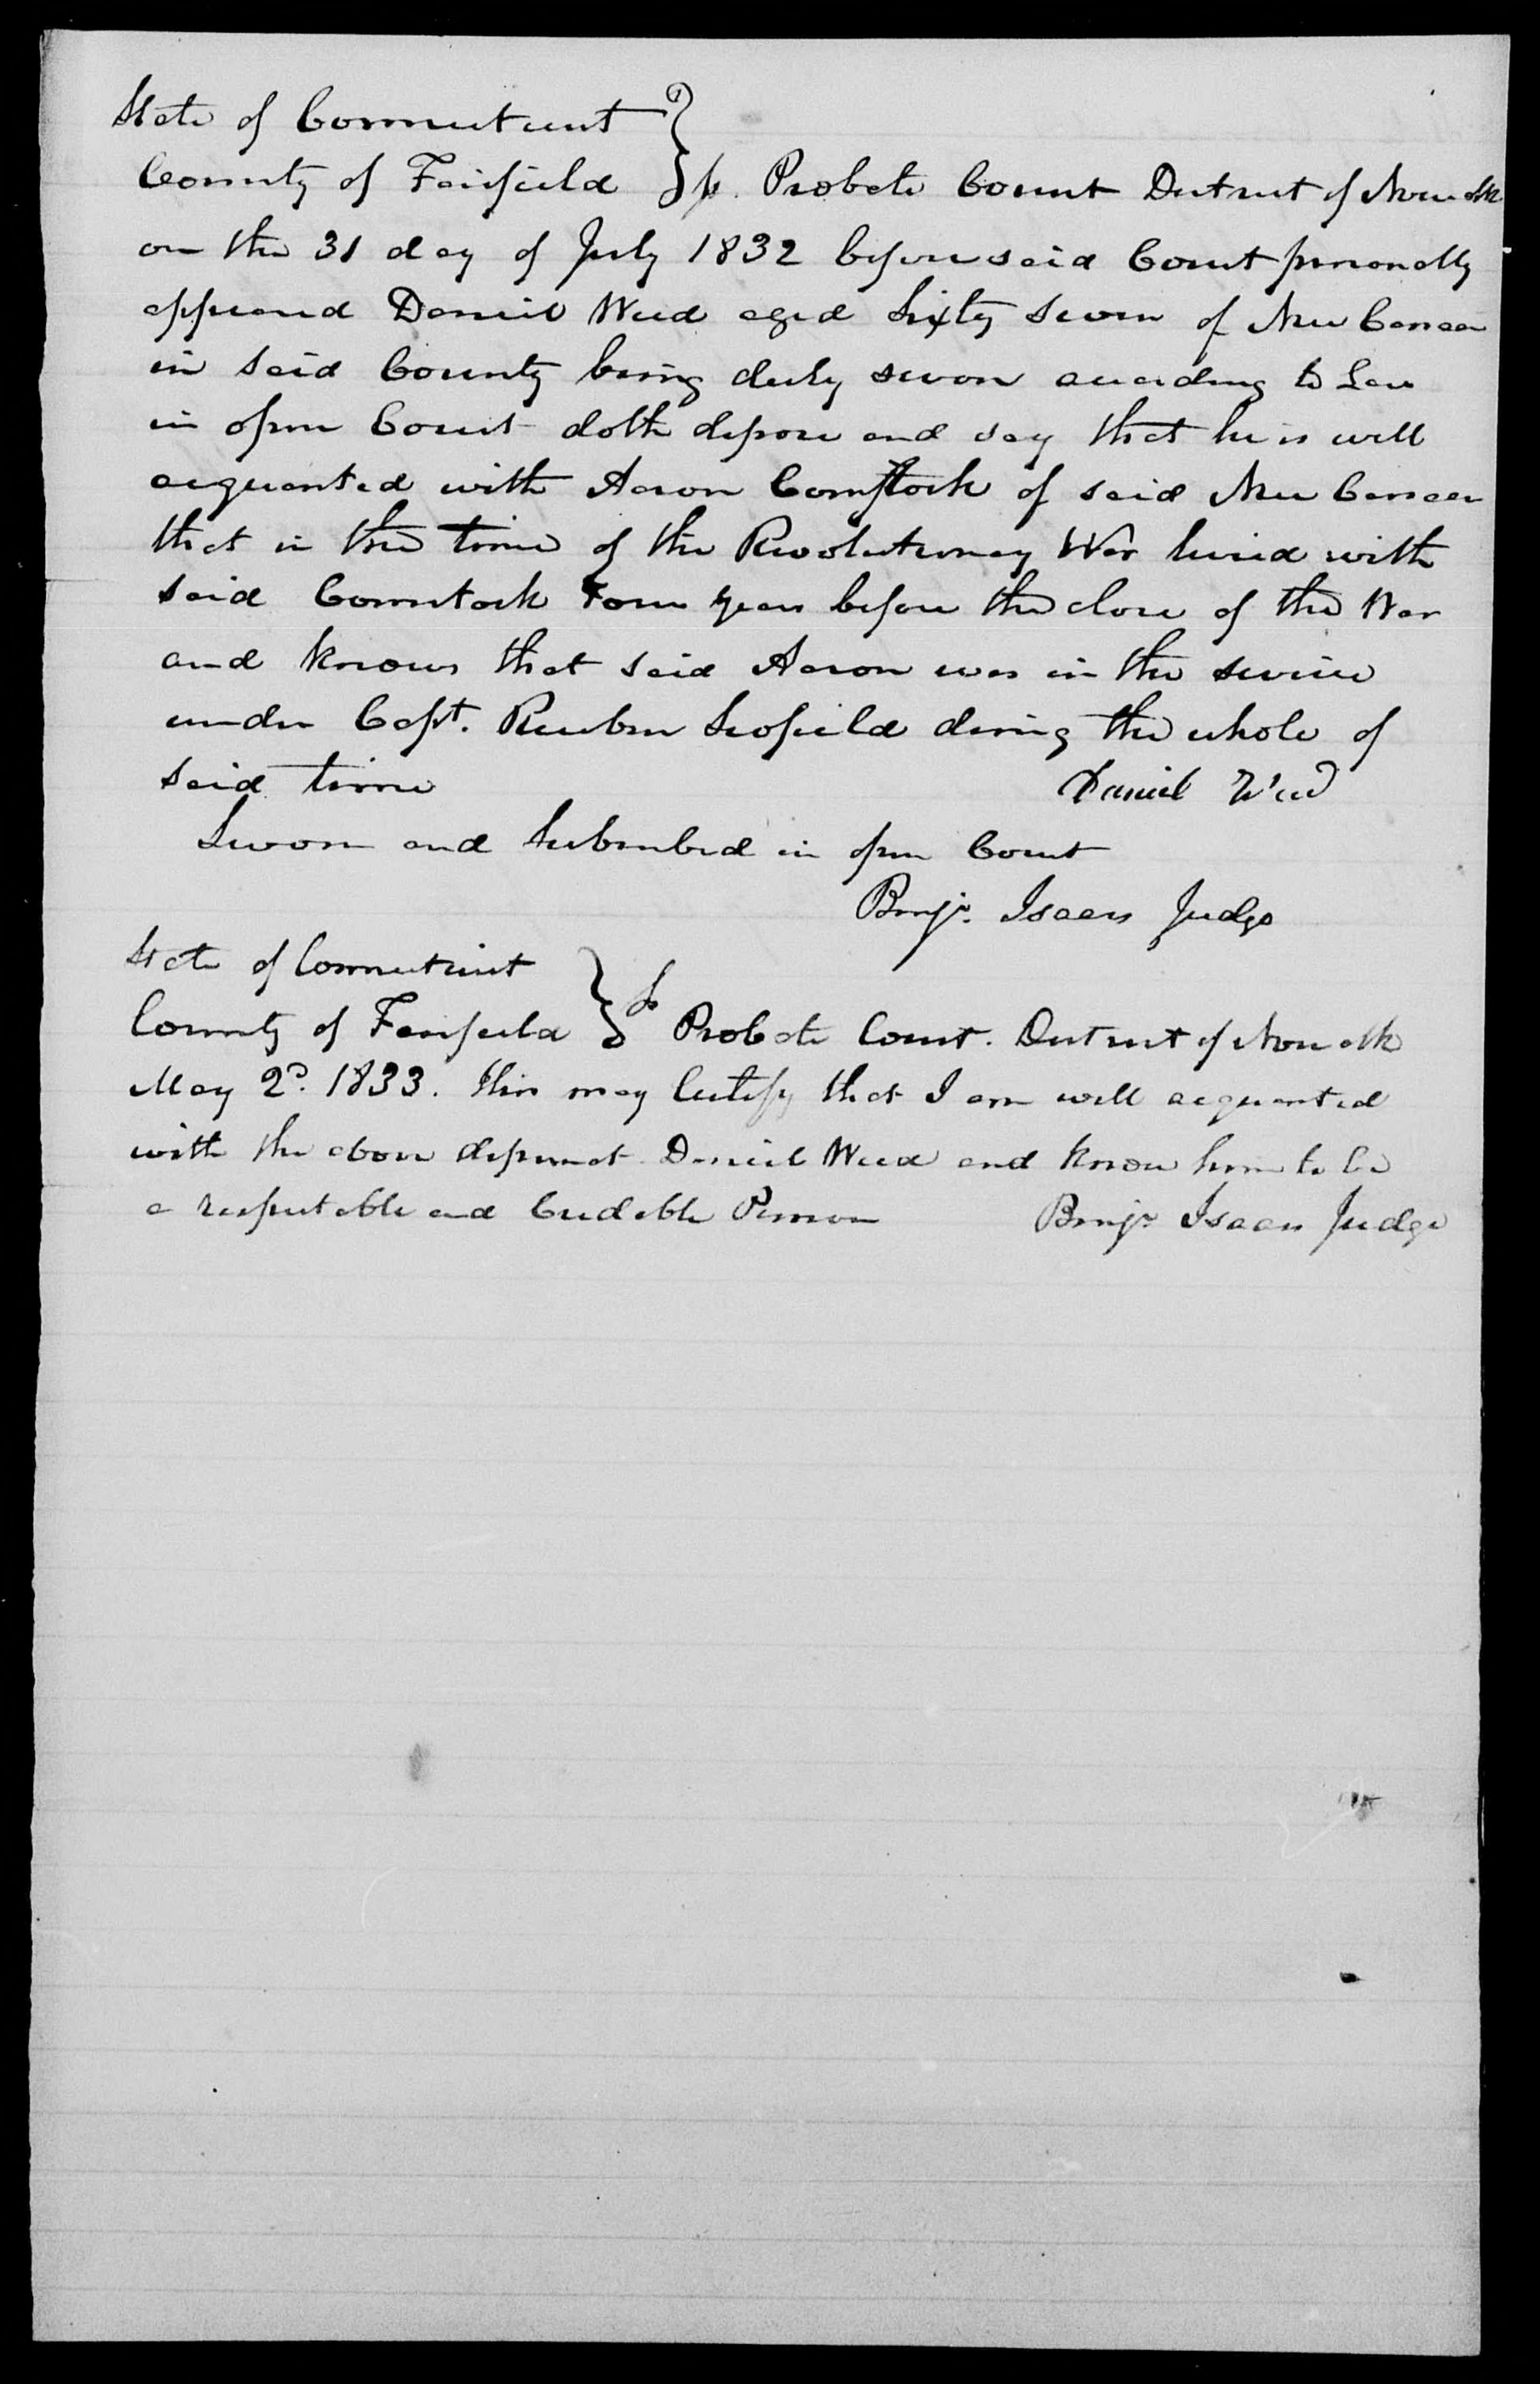State of Connecticut
County of Fairfield Ss. Probate Court District of Norwalk on the 31 day of July 1832 before said Court personally appeared Daniel Weed aged sixty seven of New Canaan in said County being duly sworn according to law in open Court doth depose and say that he is well acquainted with Aaron Comstock of said New Canaan that in the time of the Revolutionary War lived with said Comstock from year before the close of the War and knows that said Aaron was in the service under Capt. Reuben Scofield during the whole of said time  Daniel Weed
Sworn and Subscribed in open Court
Benjn Isaacs Judge

State of Connecticut
County of Fairfield Ss Probate Court District of Norwalk
May 2d. 1833. this may testify that I am well acquainted with the above deponent Daniel Weed and know him to be a respectable and Credible Person  Benjn Isaacs Judge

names: Daniel Weed, Daniel Weed, Aaron, Reuben Scofield, Benjn Isaacs, Benjn Isaacs, Daniel Weed, Comstock, Aaron Comstock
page: 38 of 43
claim: widow's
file: W. 17,647, Aaron Comstock, Conn.